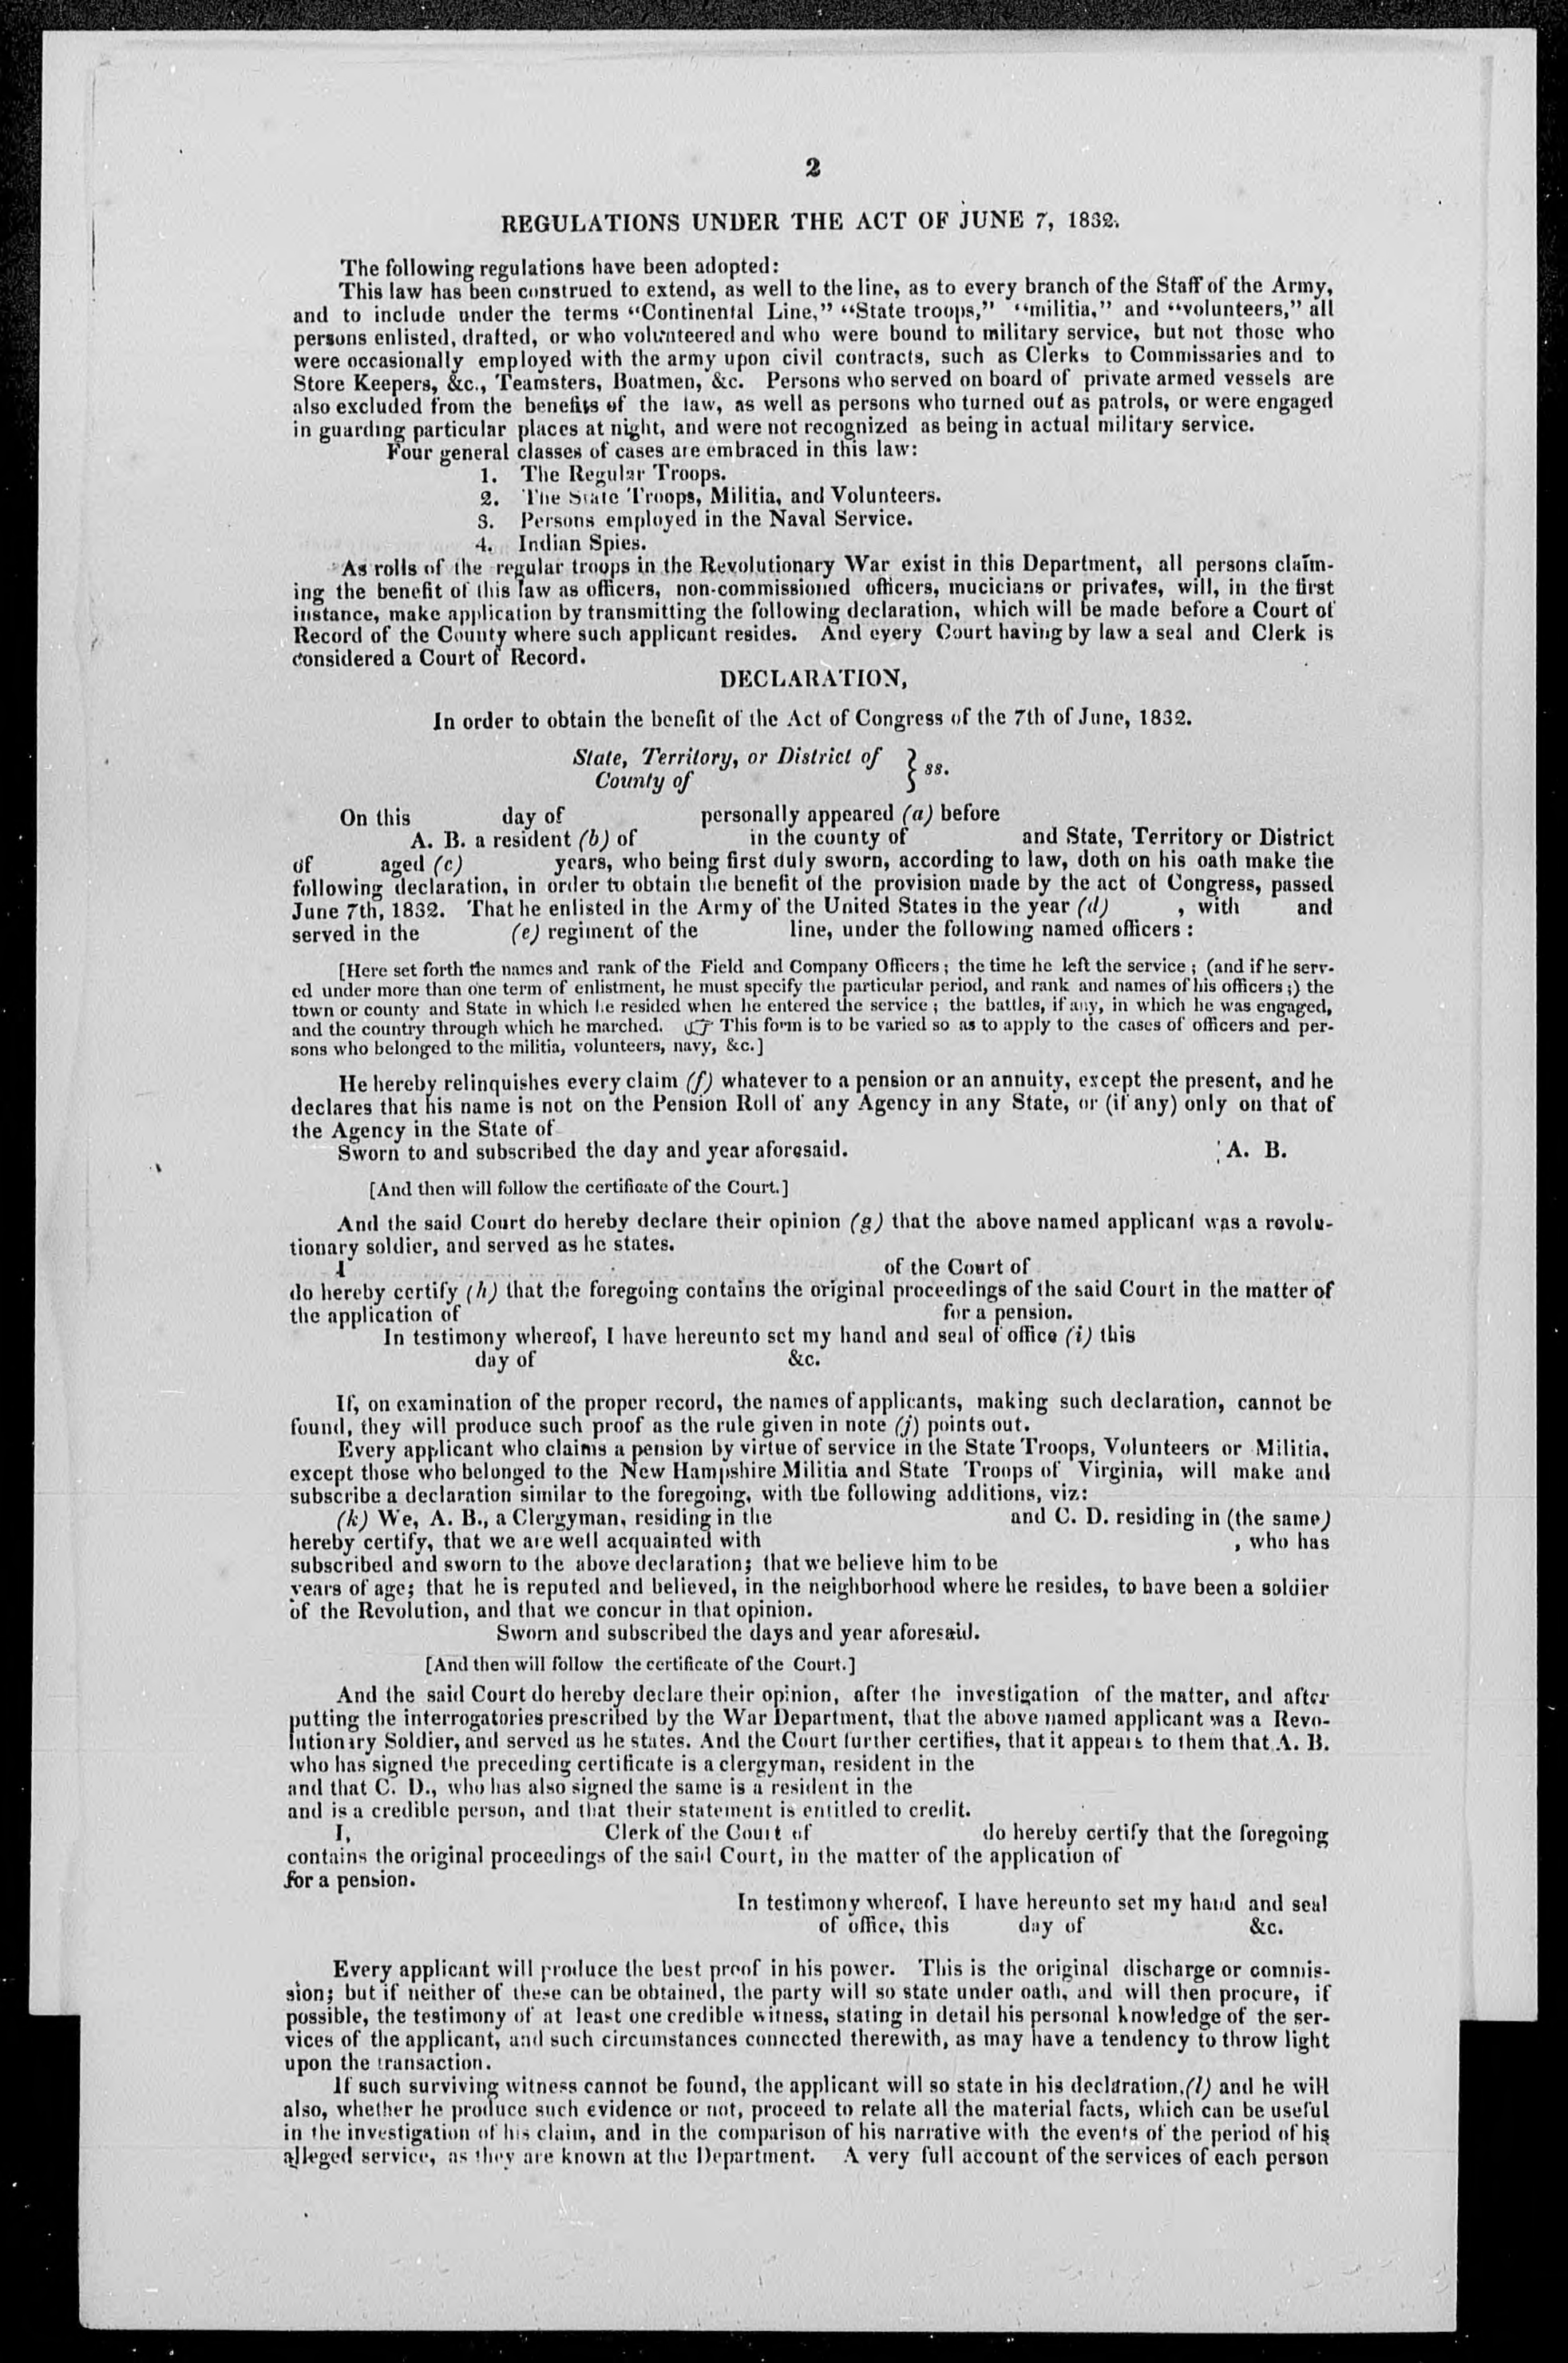REGULATIONS UNDER THE ACT OF JUNE 7, 1832

The following regulations have been adopted:
This law has been construed to extend, as well to the line, as to every brand of the Staff of the Army, and to include under the terms "Continental Line," "State troops," "militia," and "volunteers," all persons enlisted, drafted, or who volunteered and who were bound to military service, but not those who were occasionally employed with the army upon civil contracts such as Clerks to Commissaries and to Store Keepers, &c., Teamsters, Boatmen, &c. Persons who served on board of private armed vessels are also excluded from the benefits of the law, as well as persons who turned out as patrols, or were engaged in guarding particular places at night, and were not recognizes as being in actual military service.
Four general classes of cases are embraced in this law:
1. The Regular Troops
2. The State troops, Militia, and Volunteers.
3. Persons employed in the Naval Service.
4. Indian Spies.
As rolls of the regular troops in the Revolutionary war exist in this Department, all persons claiming the benefit of this law as officers, non-commissioned officers, musicians or privates, will, in the first instance, make application by transmitting the following declaration, which will be made before a Court of record of the County where such applicant resides. And every Court having by law a seal and Clerk is considered a Court of Record.

DECLARATION
In order to obtain the benefit of the Act of Congress of the 7th of June, 1832.
State, Territory, or District of
County of

On this day           day of           personally appeared (a) before           A.B. a resident (b) of           in the country of                and State, Territory or District of        aged (c)         years, who being first duly sworn, according to law, doth on his oath make the following declaration, in order to obtain the benefit of the provision made by the act of Congress, passed June 7th, 1832. That he enlisted in the Army of the United States in the year (d)      , with          and served in the        (e) regiment of the         line, under the following named officers:

[Here set forth the names and rank of the Field and Company Officers; the time he left the service; (and if he served under more than one term of enlistment, he must specify the particular period, and rank and names of his officers;) the town or county and State in which he resided when he entered the service; the battles, if any, in which he was engaged, and the country through which he marched.     This form is to be varied so as to apply to the cases of officers and persons who belonged to the militea, volunteers, navy, &c.]

He hereby relinquishes every claim (f) whatever to a pension or an annuity, except the present, and he declares that his name is not on the Pension Roll of any Agency in any State, or (if any) only on that of the Agency in the State of                 
Sworn to and subscribed the day and year aforesaid.                          A.B.

[And then will follow the certificate of the Court.]

And the said Court do hereby declare their opinion (g) that the above named applicant was a revolutionary soldier, and served as he states.
                      of the Court of                    do hereby certify (h) that the foregoing contains the original proceedings of the said Court in the matter of the application of                for a pension.
In testimony whereof, I have hereunto set my hand and seal of office (i) this day of                &c.

If, on examination of the proper record, the names of applicants, making such declaration, cannot be found, they will produce such proof as the rule given in note (j) points out.
Every applicant who claims a pension by virtue of service in the State troops, Volunteers or Militia, except those who belonged to the New Hampshire Militia and State Troops of Virginia, will make and subscribe a declaration similar to the foregoing, with the following additions, viz:
(k) We, A.B., a Clergyman, residing in the           and the C.D. residing in (the same) hereby certify, that we are well acquainted with              , who has subscribed and sworn to the above declaration; that we believe him to be           years of age; that he is reputed and believed, in the neighborhood where he resides, to have been a soldier of the Revolution, and that we concur in that opinion.
Sworn and subscribed the days and year aforesaid.

[And then will follow the certificate of the Court.]

And the said Court do hereby declare their opinion, after the investigation of the matter, and after putting the interrogatories prescribed by the War Department, that the above named applicant was a Revolutionary Soldiers, and served us as he states. And the Court further certifies, that it appears to them that A.B. and that C.D. who has also signed the name is a resident in the            and is a credible person, and that their statement is entitled to credit.
I,               Clerk of the court of                do hereby certify that the foregoing contains the original proceedings of the said Court, in the matter of the application of             for a pension.
In testimony whereof, I have hereunto set my hand and seal of office this             day of                &c.

Every applicant will produce the best proof in his power. This is the original discharge or commission; but if neither can be obtained, the party will so state under oath, and will then procure, if possible, the testimony of at least one credible witness, stating in detail his personal knowledge of the service of the application, and such circumstances connected therewith, as may have a tendency to throw light upon the transaction.
If such surviving witness cannot be found, the applicant will so state in his declaration, (l) and he will also, whether he produce such evidence or not, proceed to relate all the material facts, which can be useful in the investigation of his claim, and in the comparison of his narrative with the events of the period of his alleged service, as they are known as the Department. A very full account of the services of each person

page: 9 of 26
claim: survivor's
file: S. 20896, Griffeth Dickenson, Ga. Va.